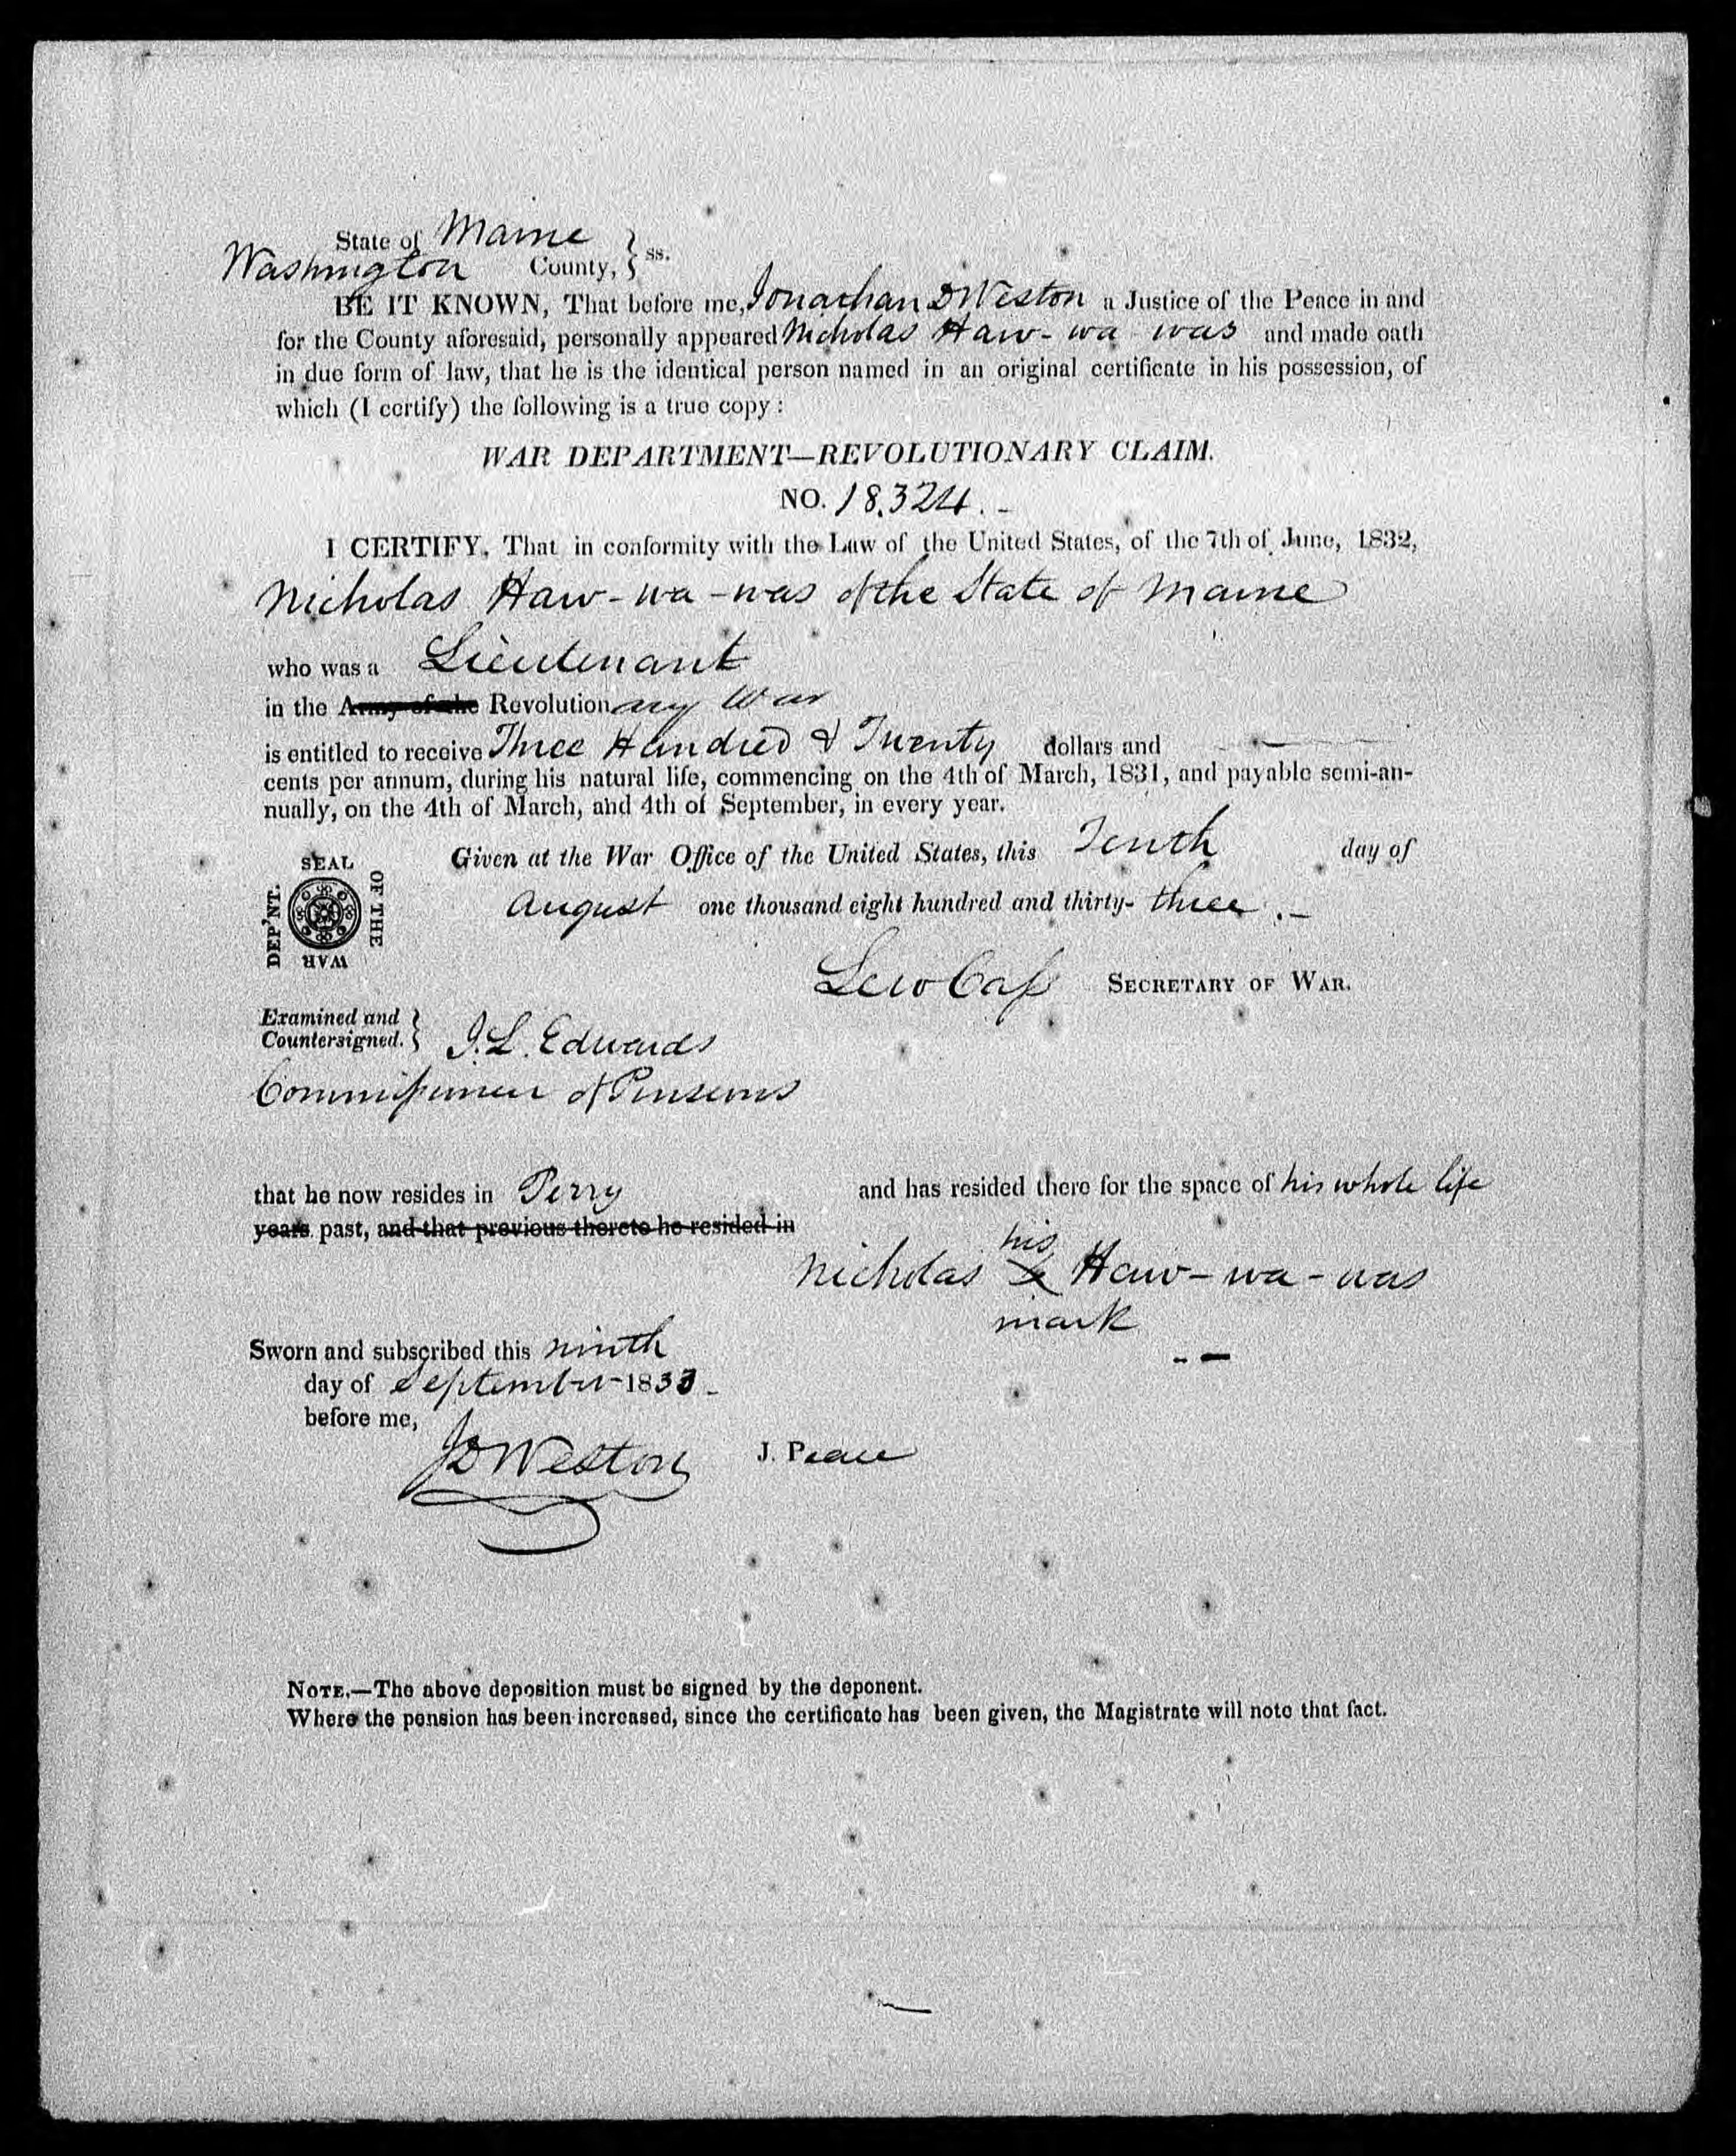State of Maine, Washington, County,} ss
BE IT KNOWN, That before me , Jonathan D Weston a Justice of the Peace in and for the County aforesaid, personally appeared Nicholas Haw-wa-was and made oath in due for of law, that he is the identical person named in an original certificate in his possession, of which (I certify) the following is a true copy:
WAR DEPARTMENT-REVOLUTIONARY CLAIM
NO. 18,324
I CERTIFY That in conformity with the Law of the United States, of the 7th of June, 1832, Nicholas Haw-wa-was of the state of Maine who was a lieutenant in the Revolutionary War is entitled to receive Three Hundred & Twenty dollars and cents per annum, during his natural life, commencing on the 4th of March, 1831, and payable semi-an-nuallly, on the 4th of March, and 4th of September, in every year. Given at the War office of the United States, this tenth day of August one thousand eight hundred and thirty three.
Lewis Cass SECRETARY OF WAR, 
Examined and Countersigned.} G.L. Edwards Commissioner of Pensions that he now resides in Perry and has resided there for the space of his whole life past,
Nicholas his mark Haw-wa-was Sworn and subscribed this ninth day of September- 1833 before me, JD Weston J. Peace
Note- The above deposition must be signed by the deponent. Where the pension has been increased, since the certificate has been given, the Magistrate will note that fact.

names: Nicholas Hawwawas, Nicholas Hawwawas, Jonathan D Weston, Lew Cass, Nicholas Hawwawas, J D Weston, J L Edwards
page: 20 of 52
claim: survivor's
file: S 17997, Nicholas Hawwawas, Mass.